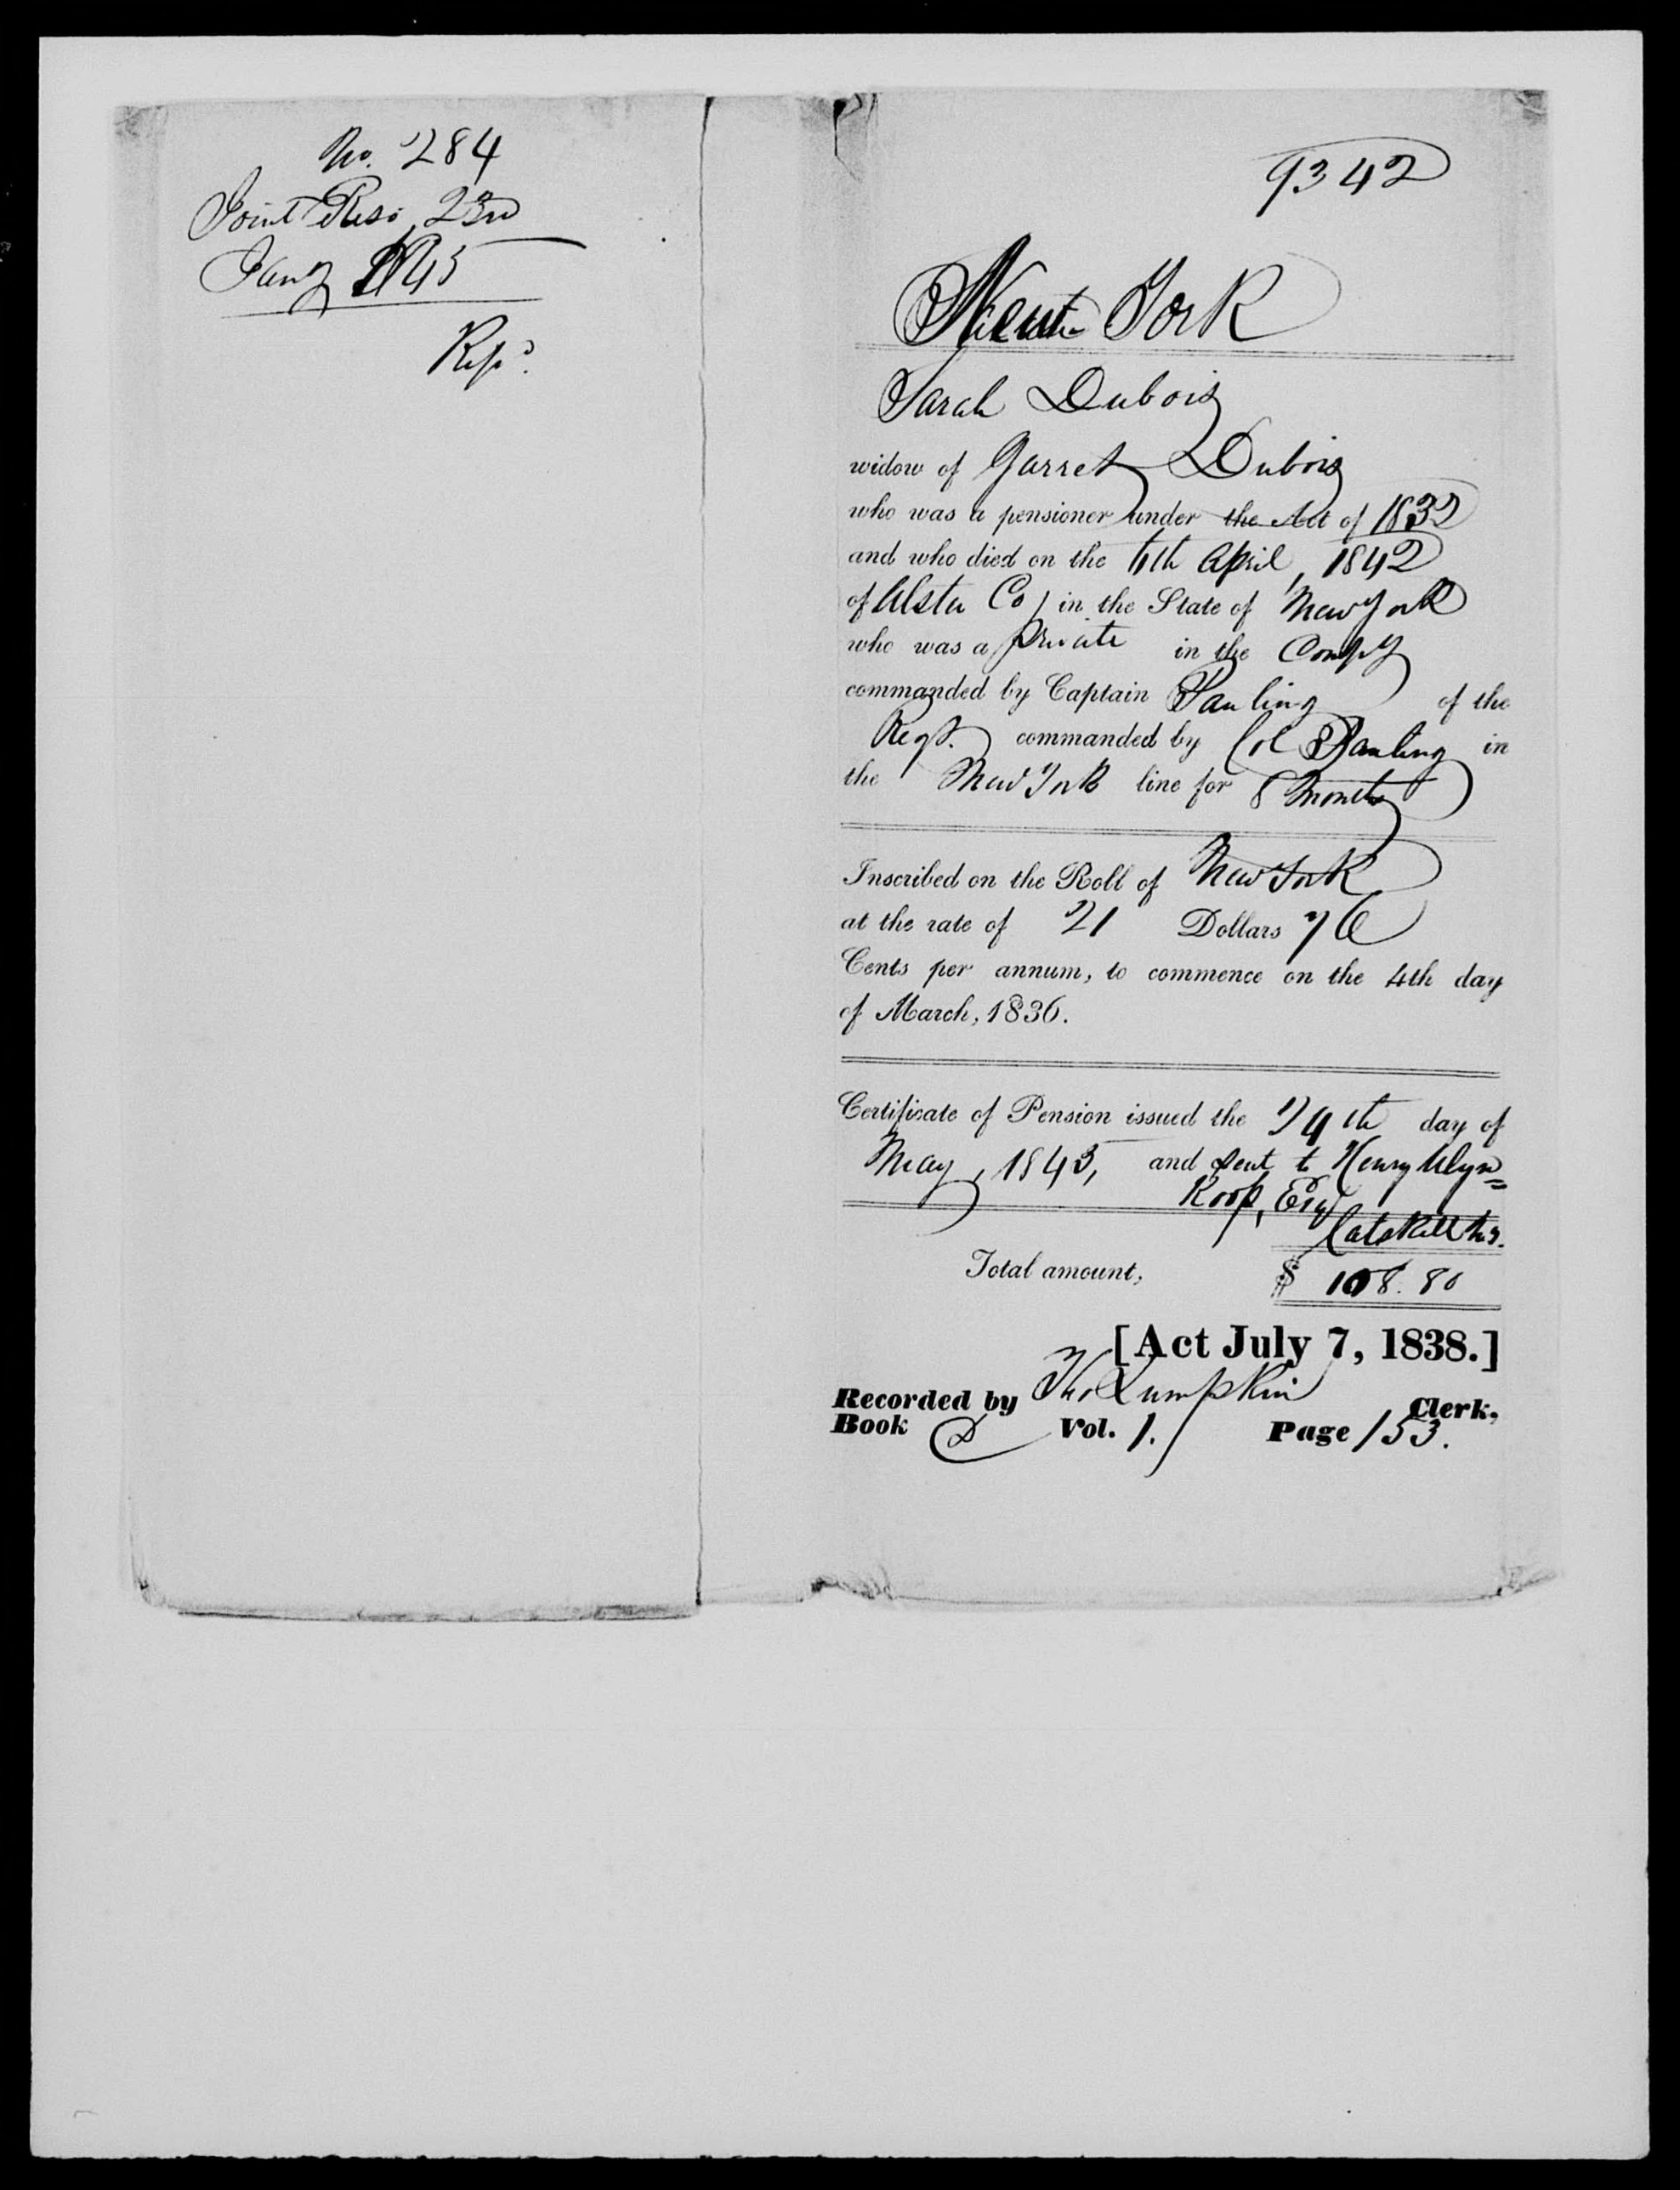[left facing page[
No. 284
Joint Res 23rd
Jany 1843
Rep.

[right facing page]
9342
New York
Sarah Dubois
widow of Garret Dubois
who was a pensioner under the Act of 1832
and who died on the 6th April 1842
of Ulster Co. in the State of New York
who was a private
in the Company
commanded by Captain Pauling of the
Regt commanded by Col Pawling in
the New York line for 8 months
===================
Inscribed on the Roll of New York
at the rate of 21 Dollars 76
Cents per annum, to commence on the 4th day
of March, 1836
===================
Certificate of Pension issued the 24th day of
May 1845, and sent to Henry Wynkoop, Esq
Catskill NY
Total amount $108.80
[Act July 7, 1838.]
Recorded by Tho Lumpkin Clerk,
Book D Vol. 1. Page 153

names: Pauling, Garret Dubois, Tho Lumpkin, Sarah Dubois, Pauling, Henry Wynkoop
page: 20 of 36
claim: widow's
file: W 20995, Gerrit Dubois, New York